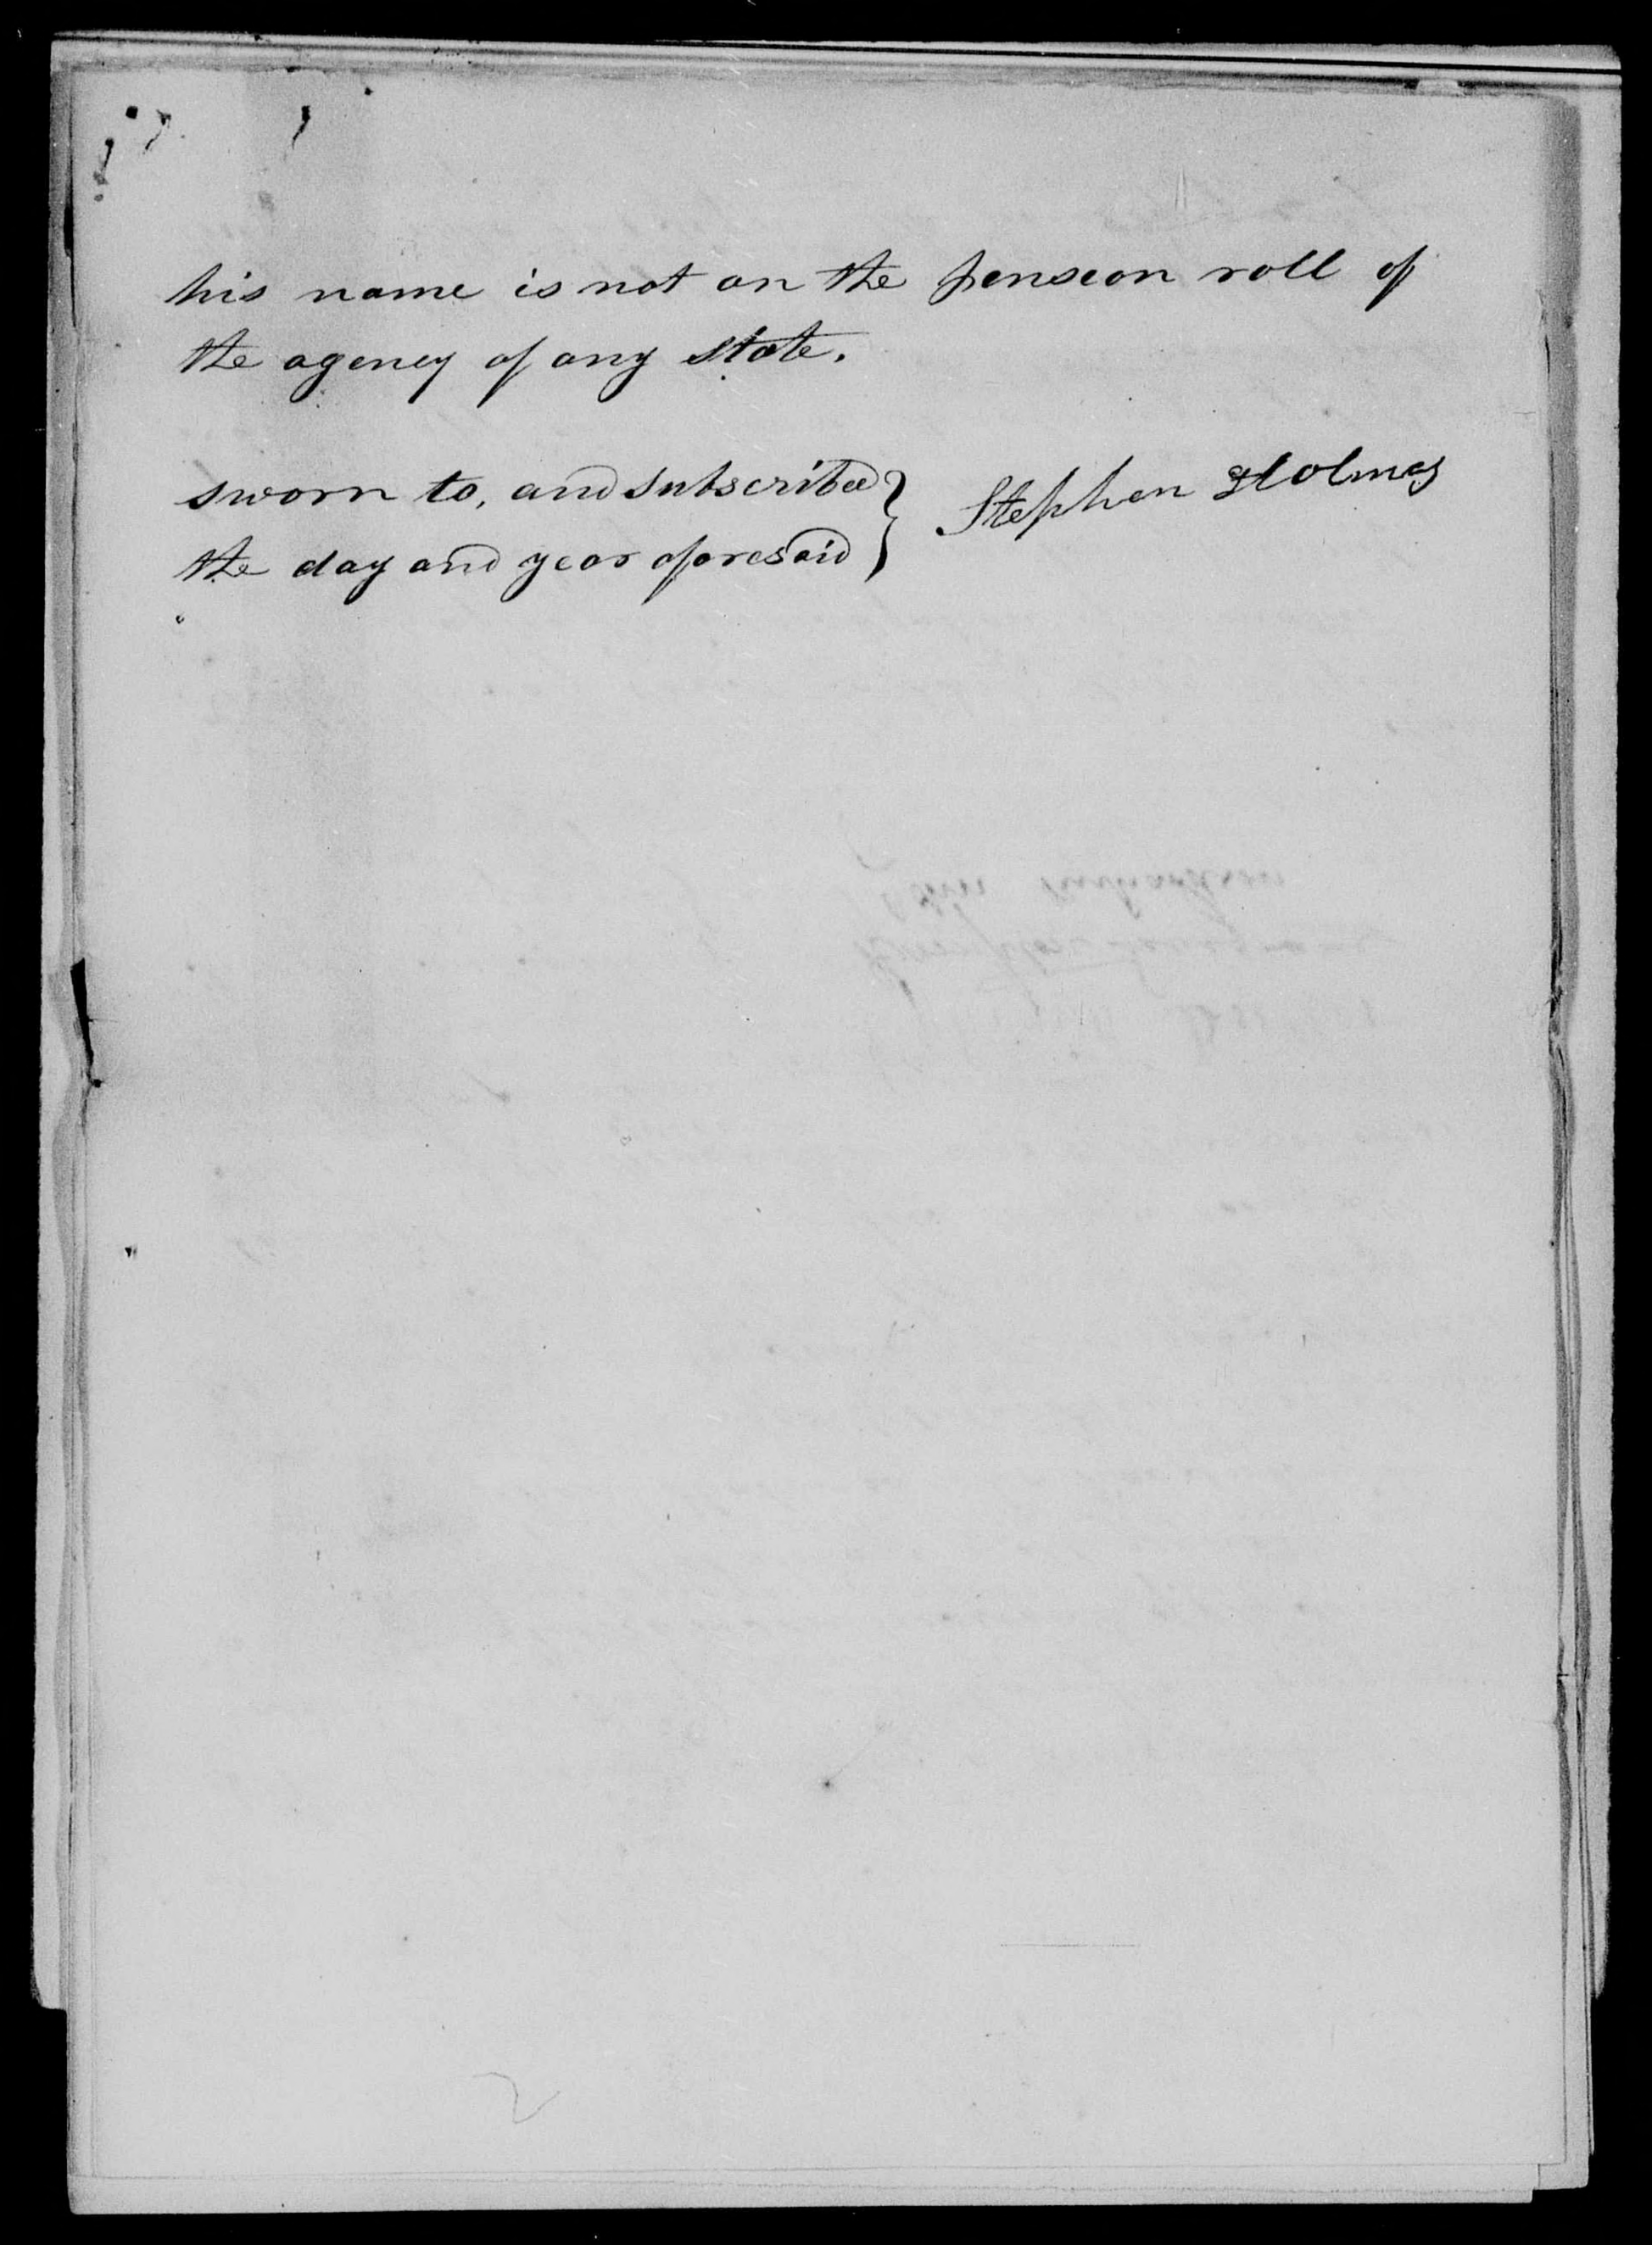his name is not on the pension roll of the agency of any state.

Sworn to, and subscribed the say and year aforesaid

Stephen Holmes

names: Stephen Holmes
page: 10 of 72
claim: widow's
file: W. 7771, Stephen Holmes, Vt.